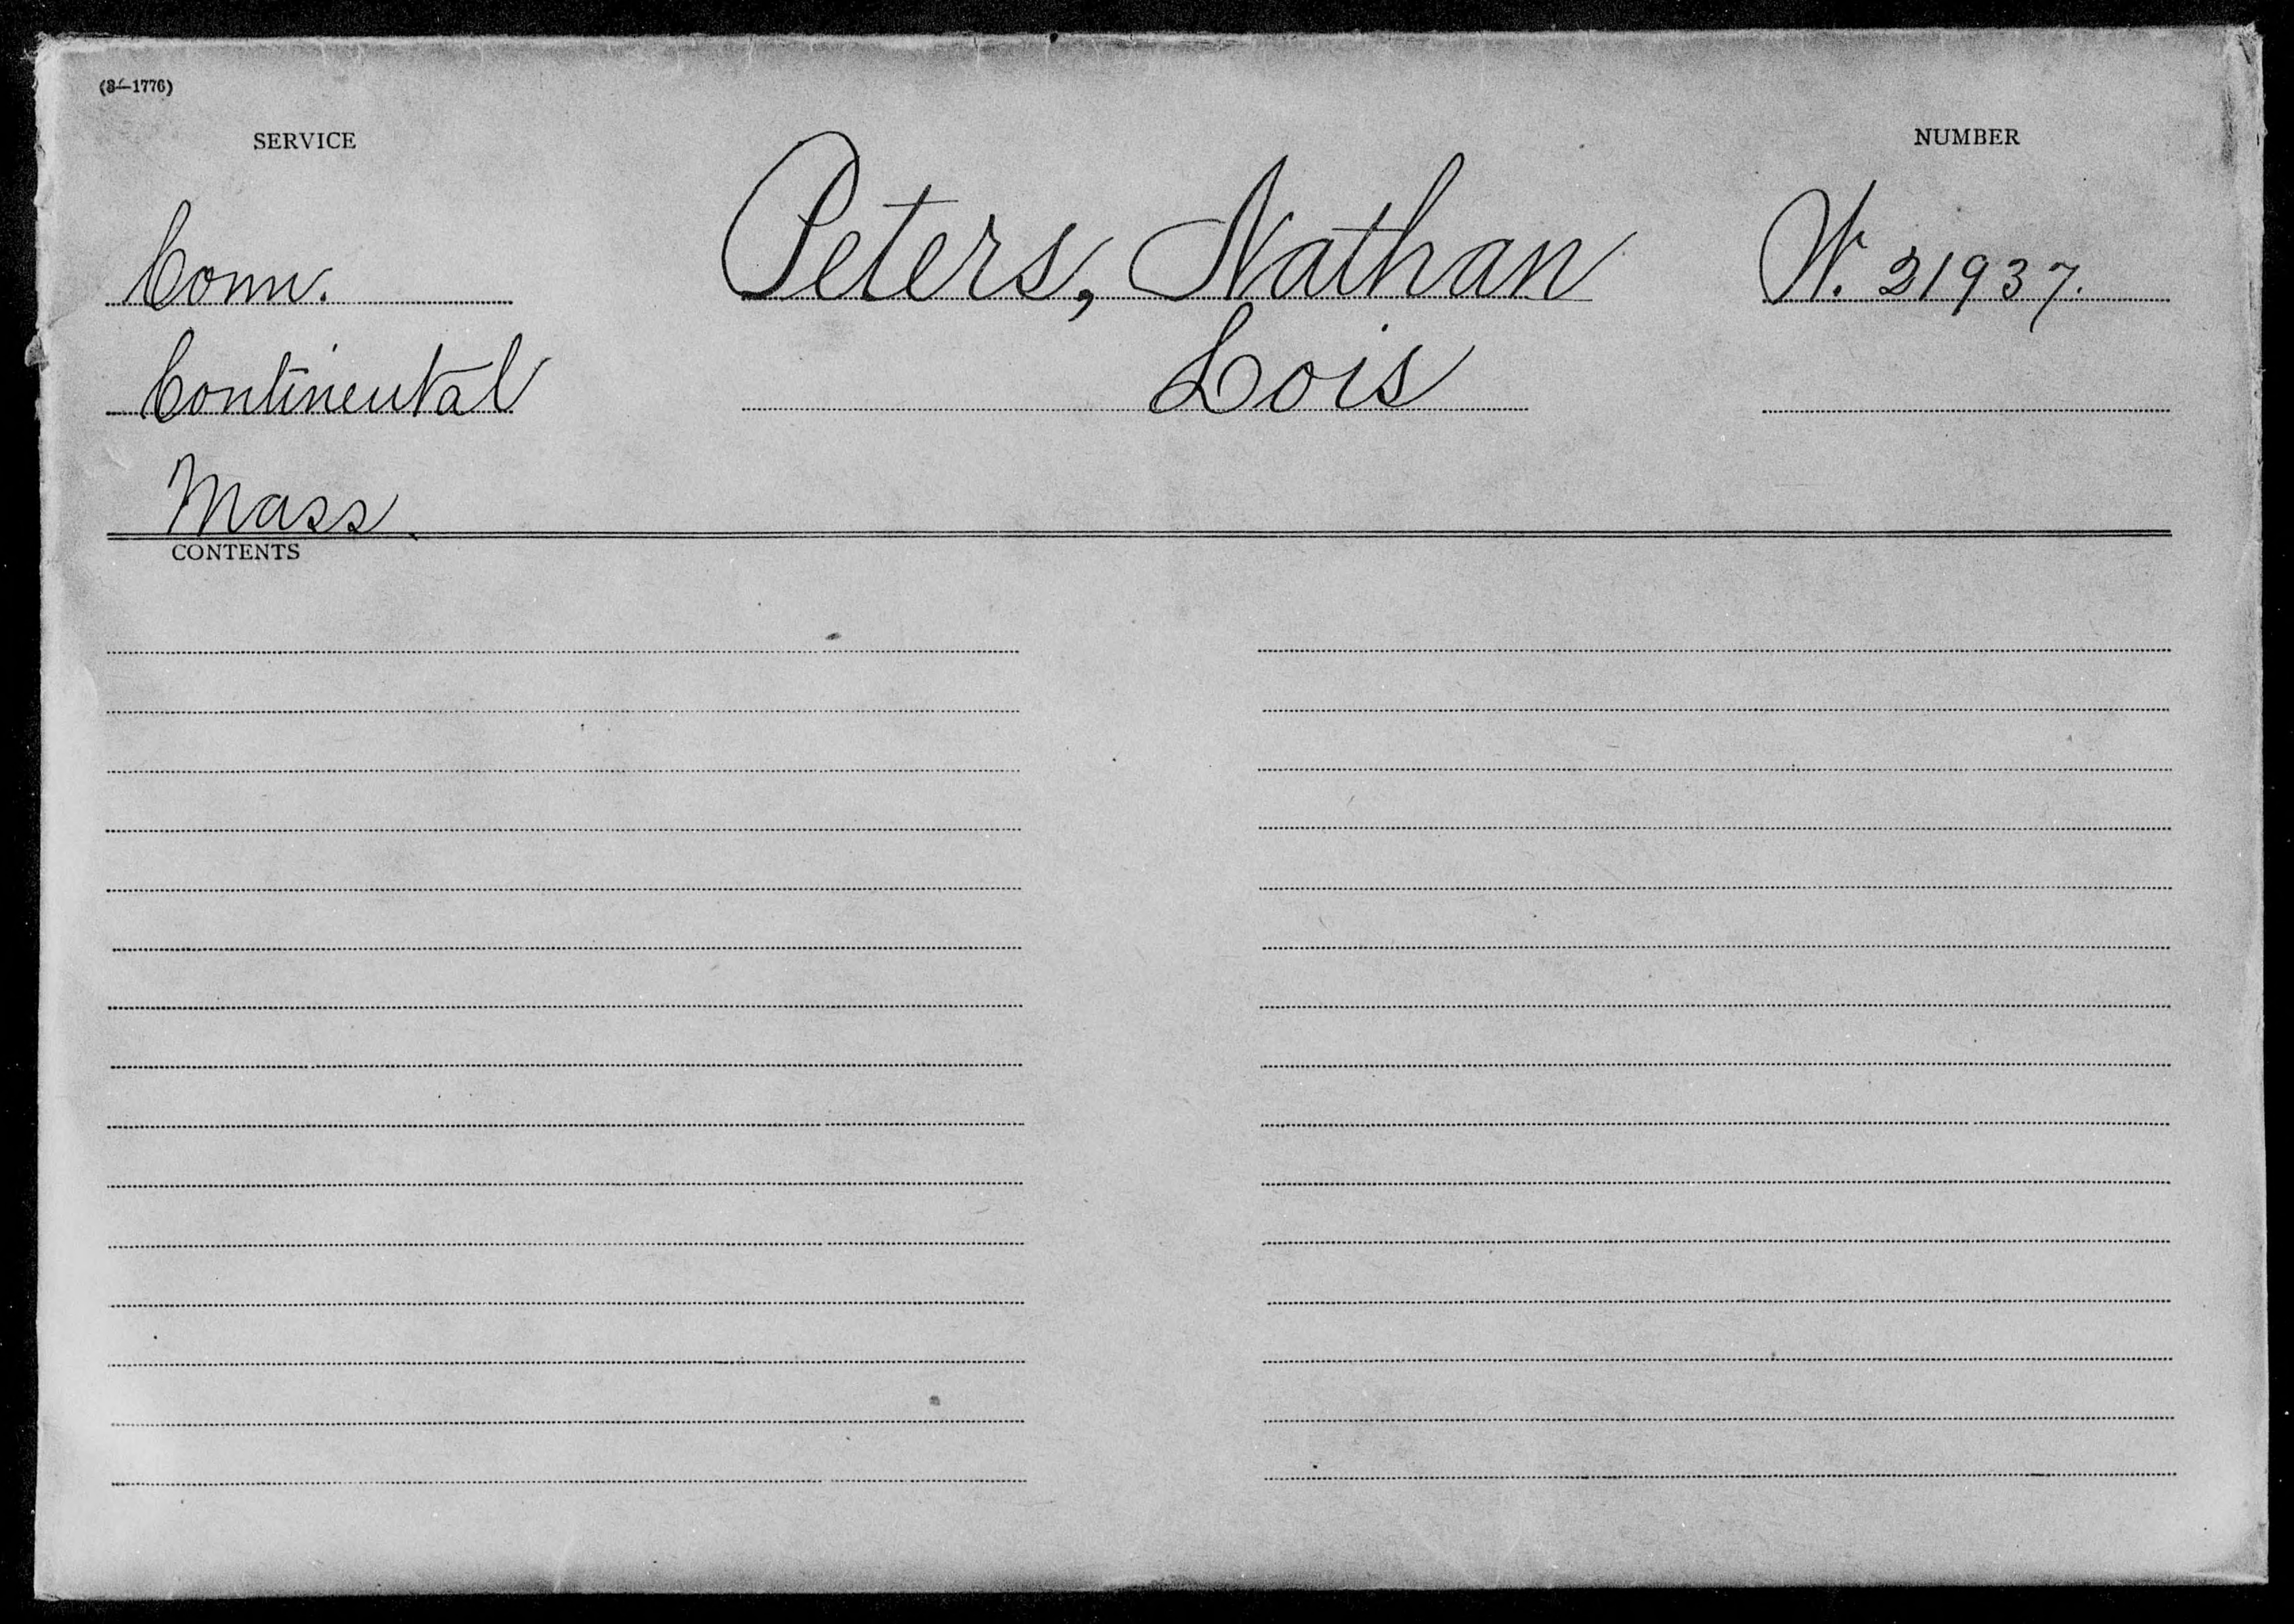(3--1776)

SERVICE
Conn.
Continental
Mass.

Peters, Nathan
Lois

NUMBER
W. 21937
---------------------------------------------------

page: 1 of 75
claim: widow's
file: W. 21937, for Nathan Peters, Connecticut